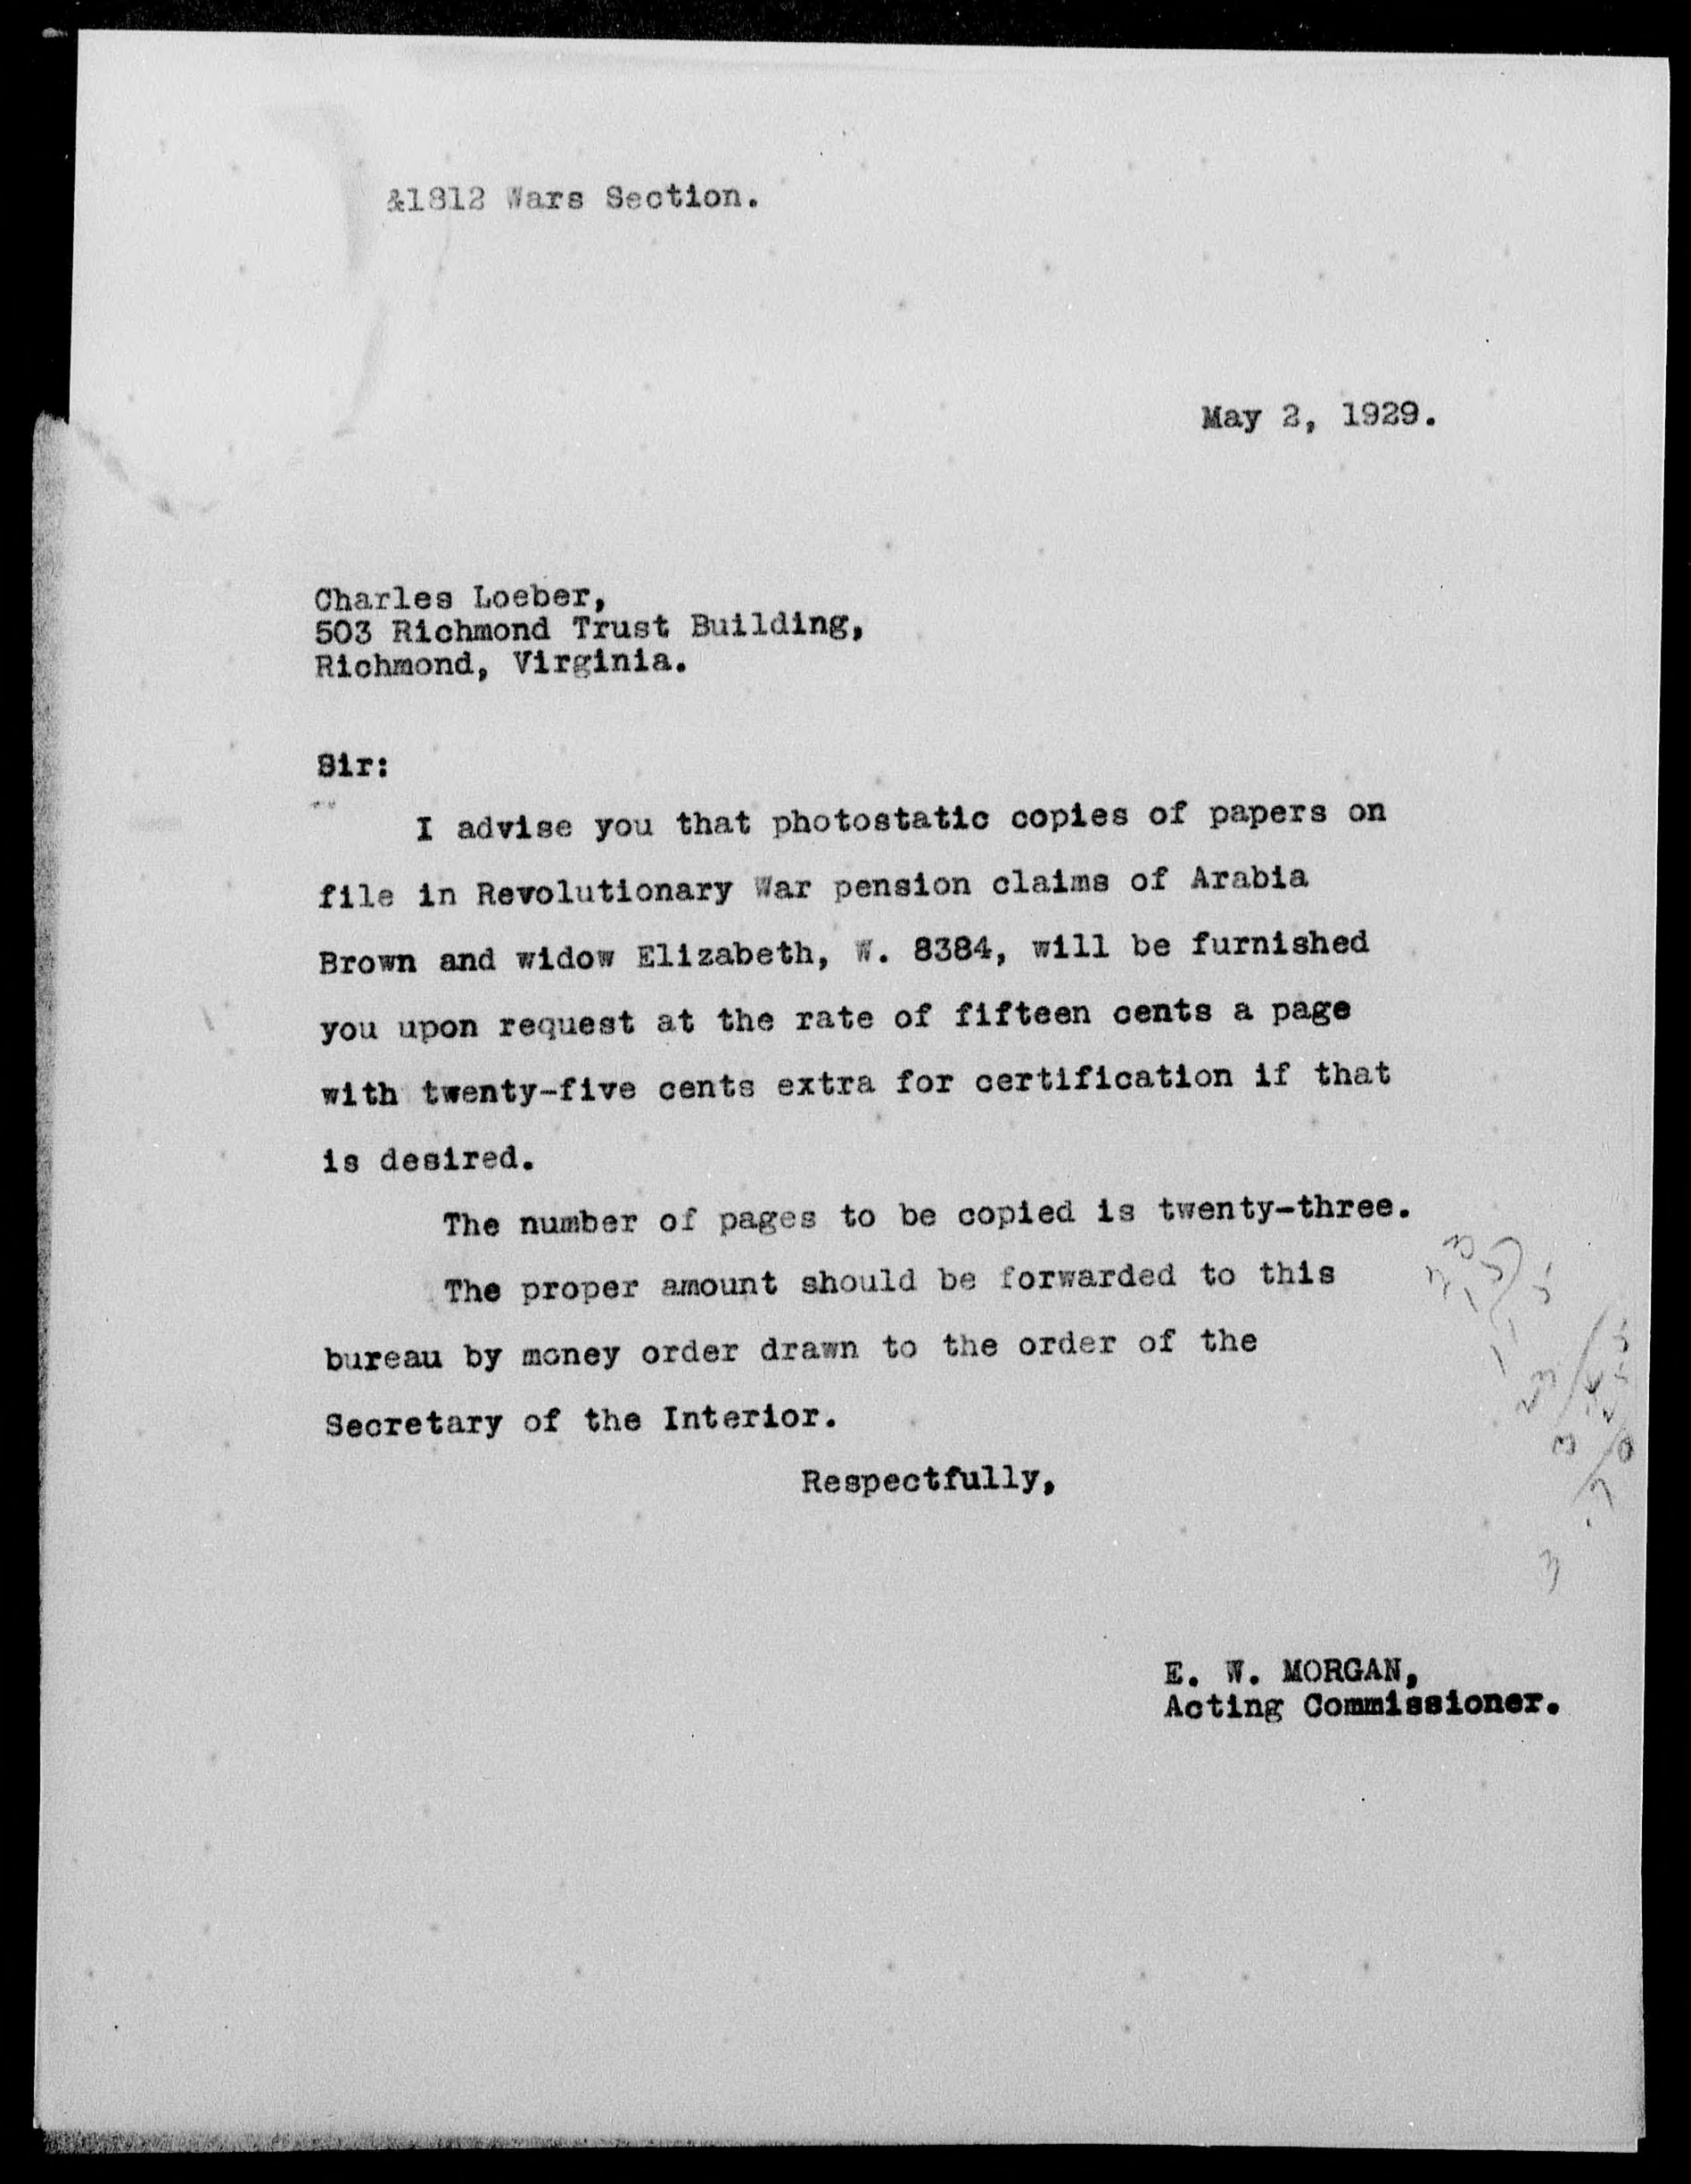May 2, 1929.

Charles Loeber,
503 Richmond Trust Building,
Richmond, Virginia.

Sir:

I advise you that photostatic copies of papers on
file in Revolutionary War pension claims of Arabia
Brown and widow Elizabeth, W 8384, will be furnished
you upon request at the rate of fifteen cents a page
with twenty-five cents extra for certification if that is desired.

The number of pages to be copied is twenty-three.
The proper amount should be forwarded to this
bureau by money order drawn to the order of the
Secretary of the Interior.
Respectfully,

E.W. Morgan
Acting Commissioner.

handwritten on bottom right of page:
23
15
----
115
23
----
3.45
  .25
-----
3.70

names: E W Morgan, Charles Loeber, Elizabeth, Arabia Brown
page: 33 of 65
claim: widow's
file: W. 8384, Arabia Brown, Va.